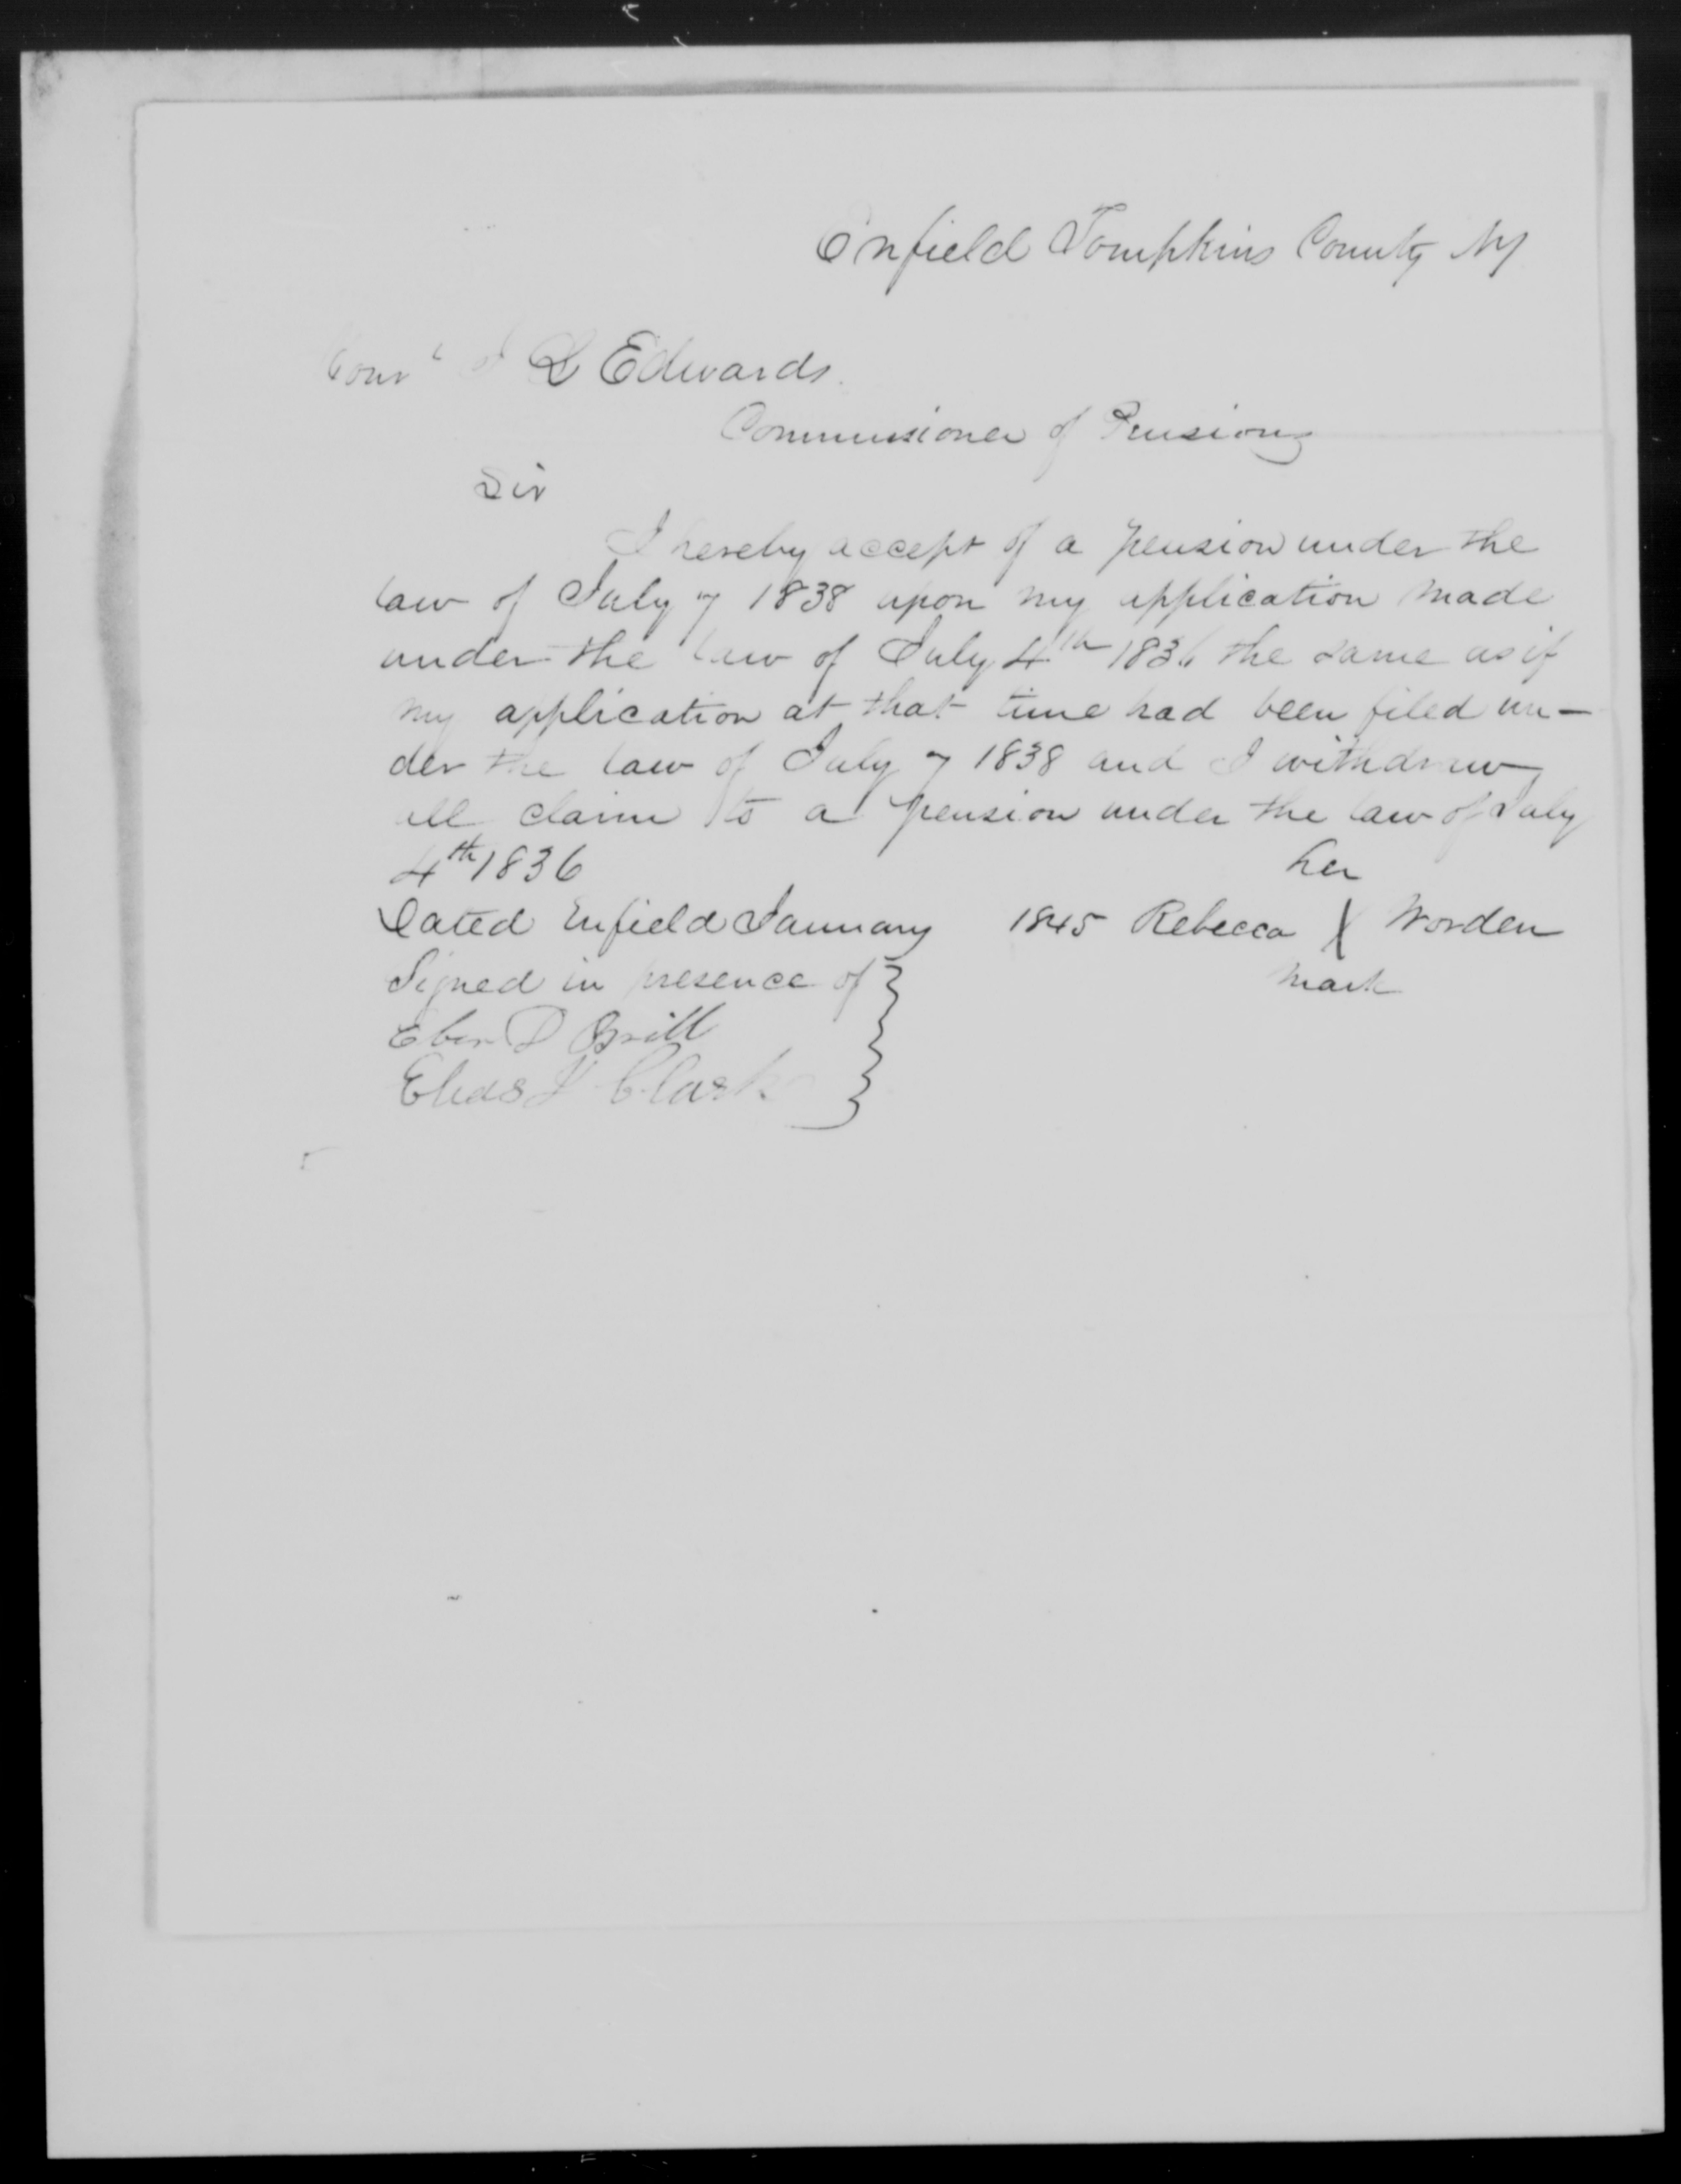Enfield Tompkins County NY
[illegible] L Edwards 
Commissioner of Pensions 
Sir
I hereby accept of a pension under the of July 7 1838 upon my application made under the law of July 4th 1836 the same as if my application at that time had been filed under the law of July 7 1838 and I withdrew all claim to a pension under the law of July 7th 1836 
[signed] Rebecca Worden [sic]  X her mark
Dated Enfield January 1845
Signed in presence of 
Eber D Brill 
Elias J Clark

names: Rebecca Wooden, Eben D Brill, Elias J Clark, J L Edwards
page: 54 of 77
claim: widow's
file: W. 19658, John Woodin, New York